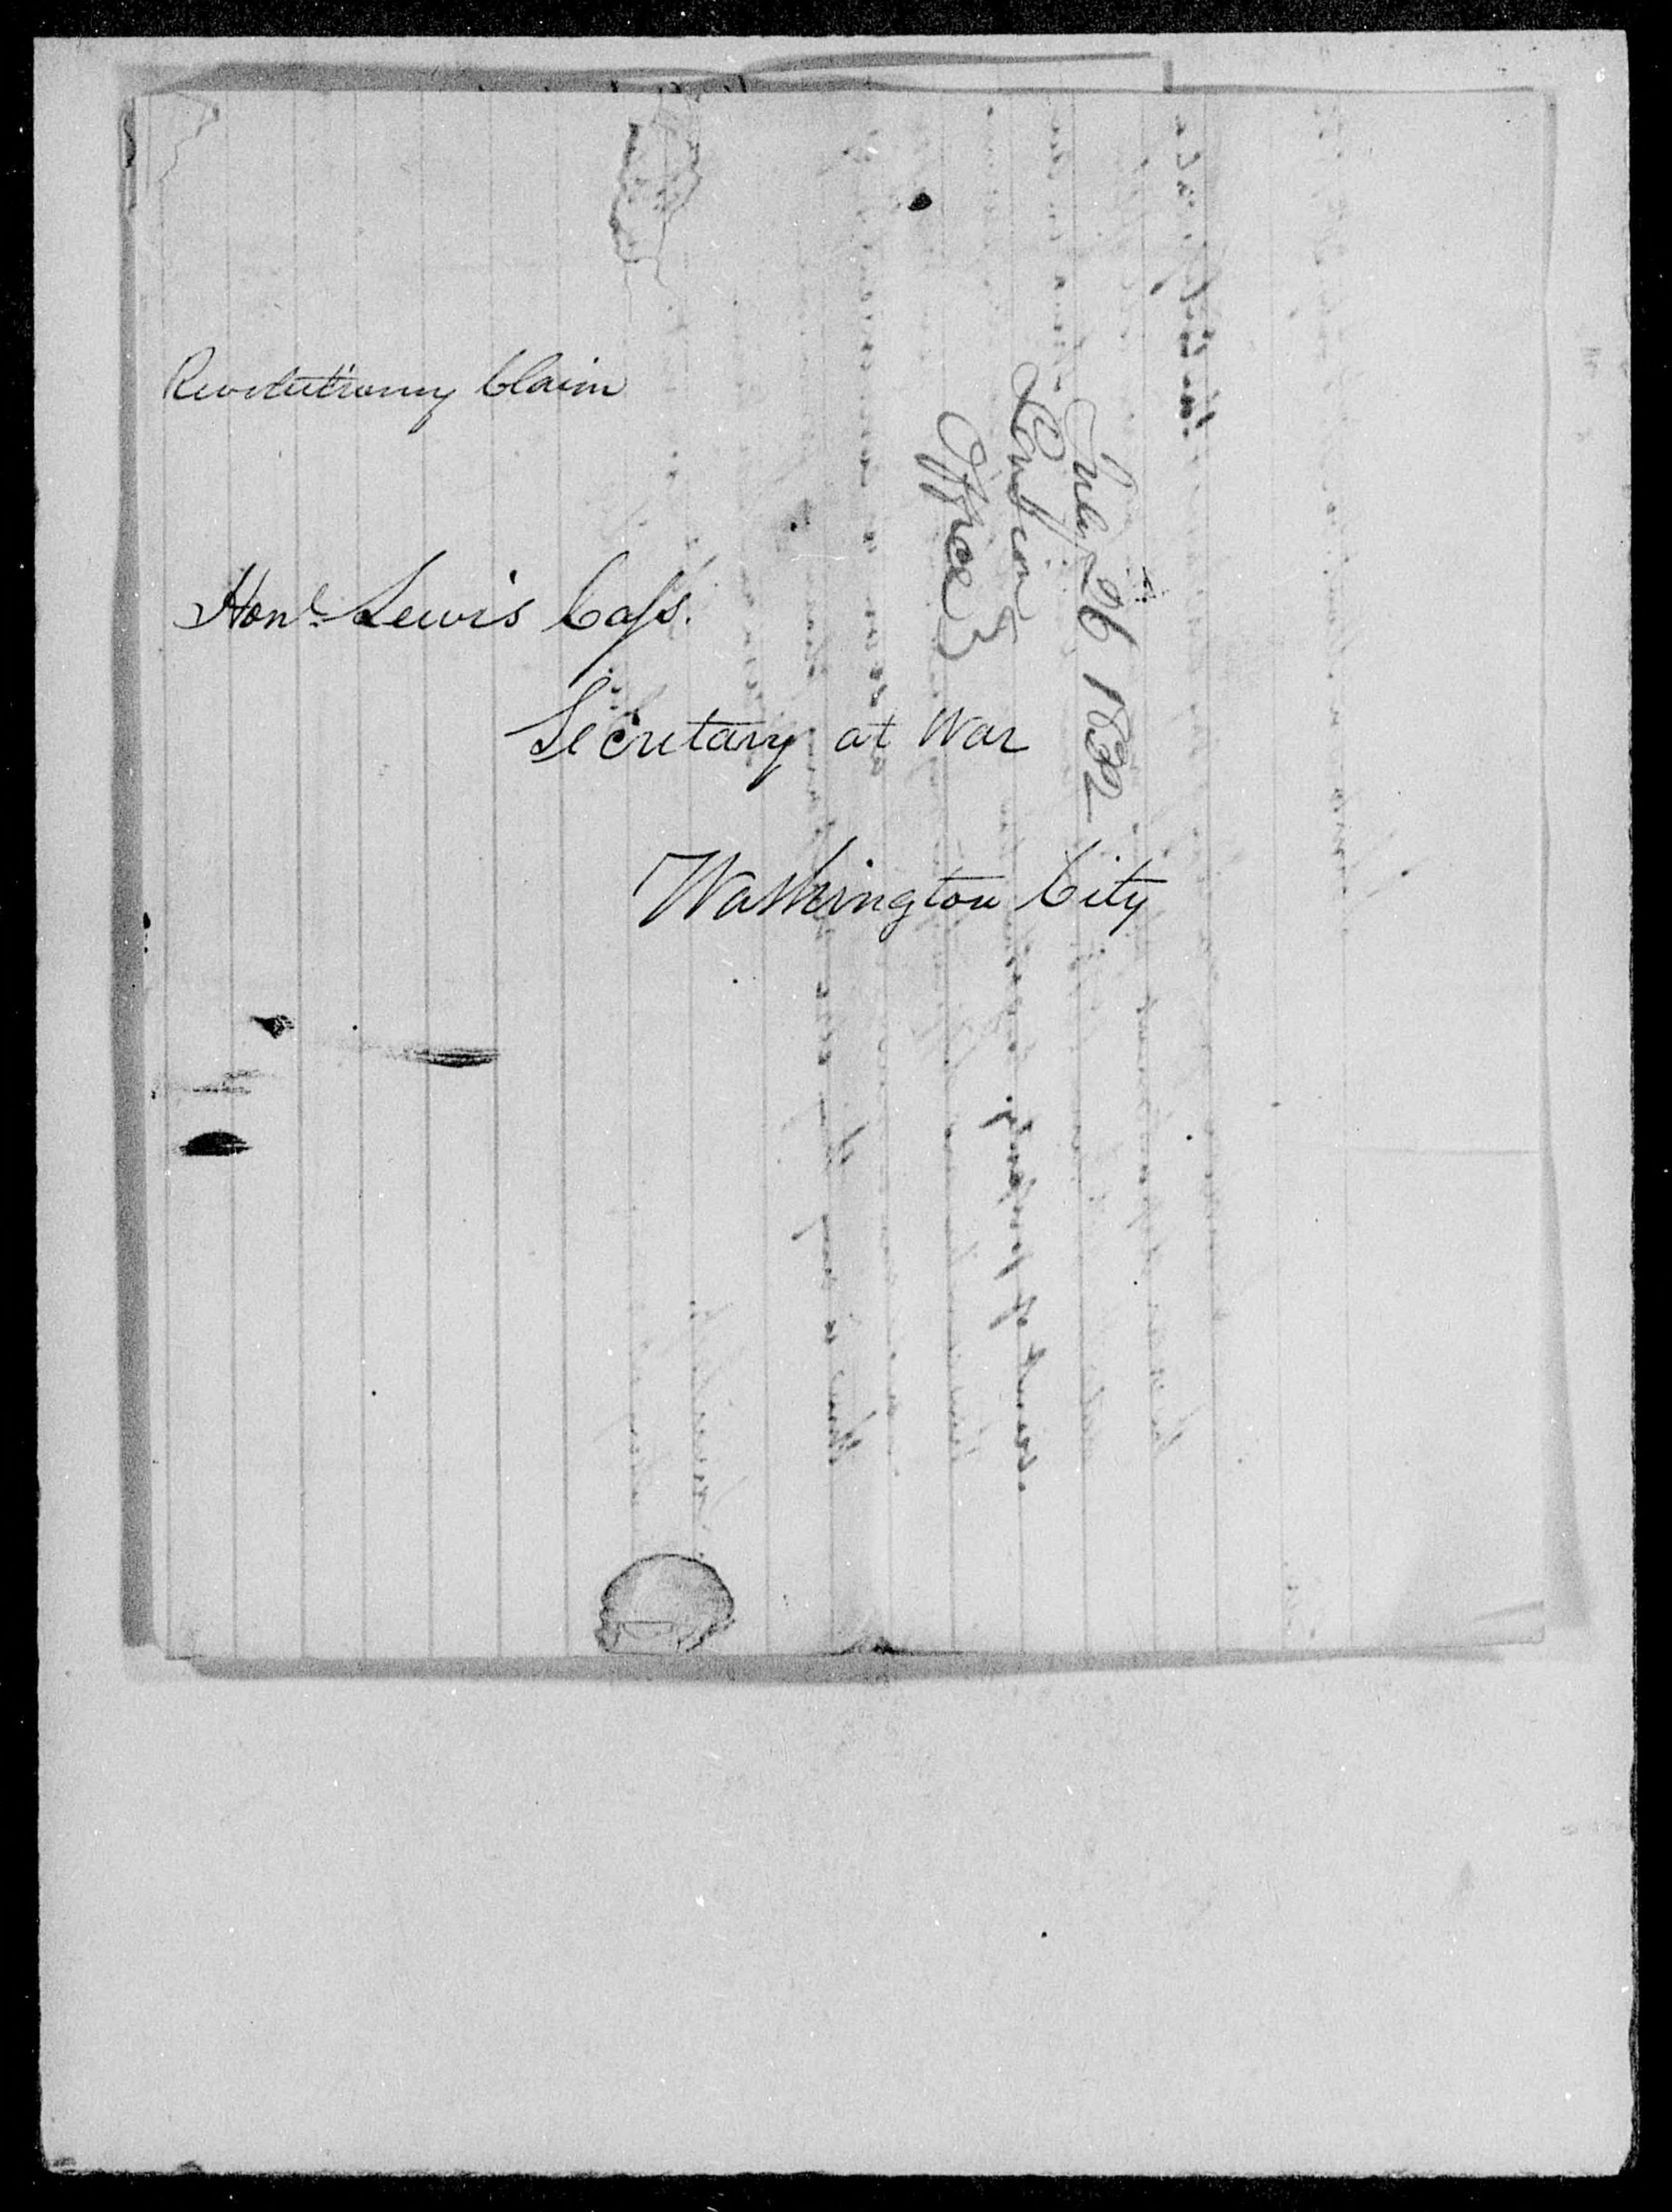[handwritten]
Revolutionary Claim
Hon Lewis Cass
Secretary at War
Washington City
July 26 1832
[indecipherable]
Office
[/handwritten]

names: Lewis Cass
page: 49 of 55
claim: widow's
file: W. 19503, Samuel Giles, Conti. Mass. New York